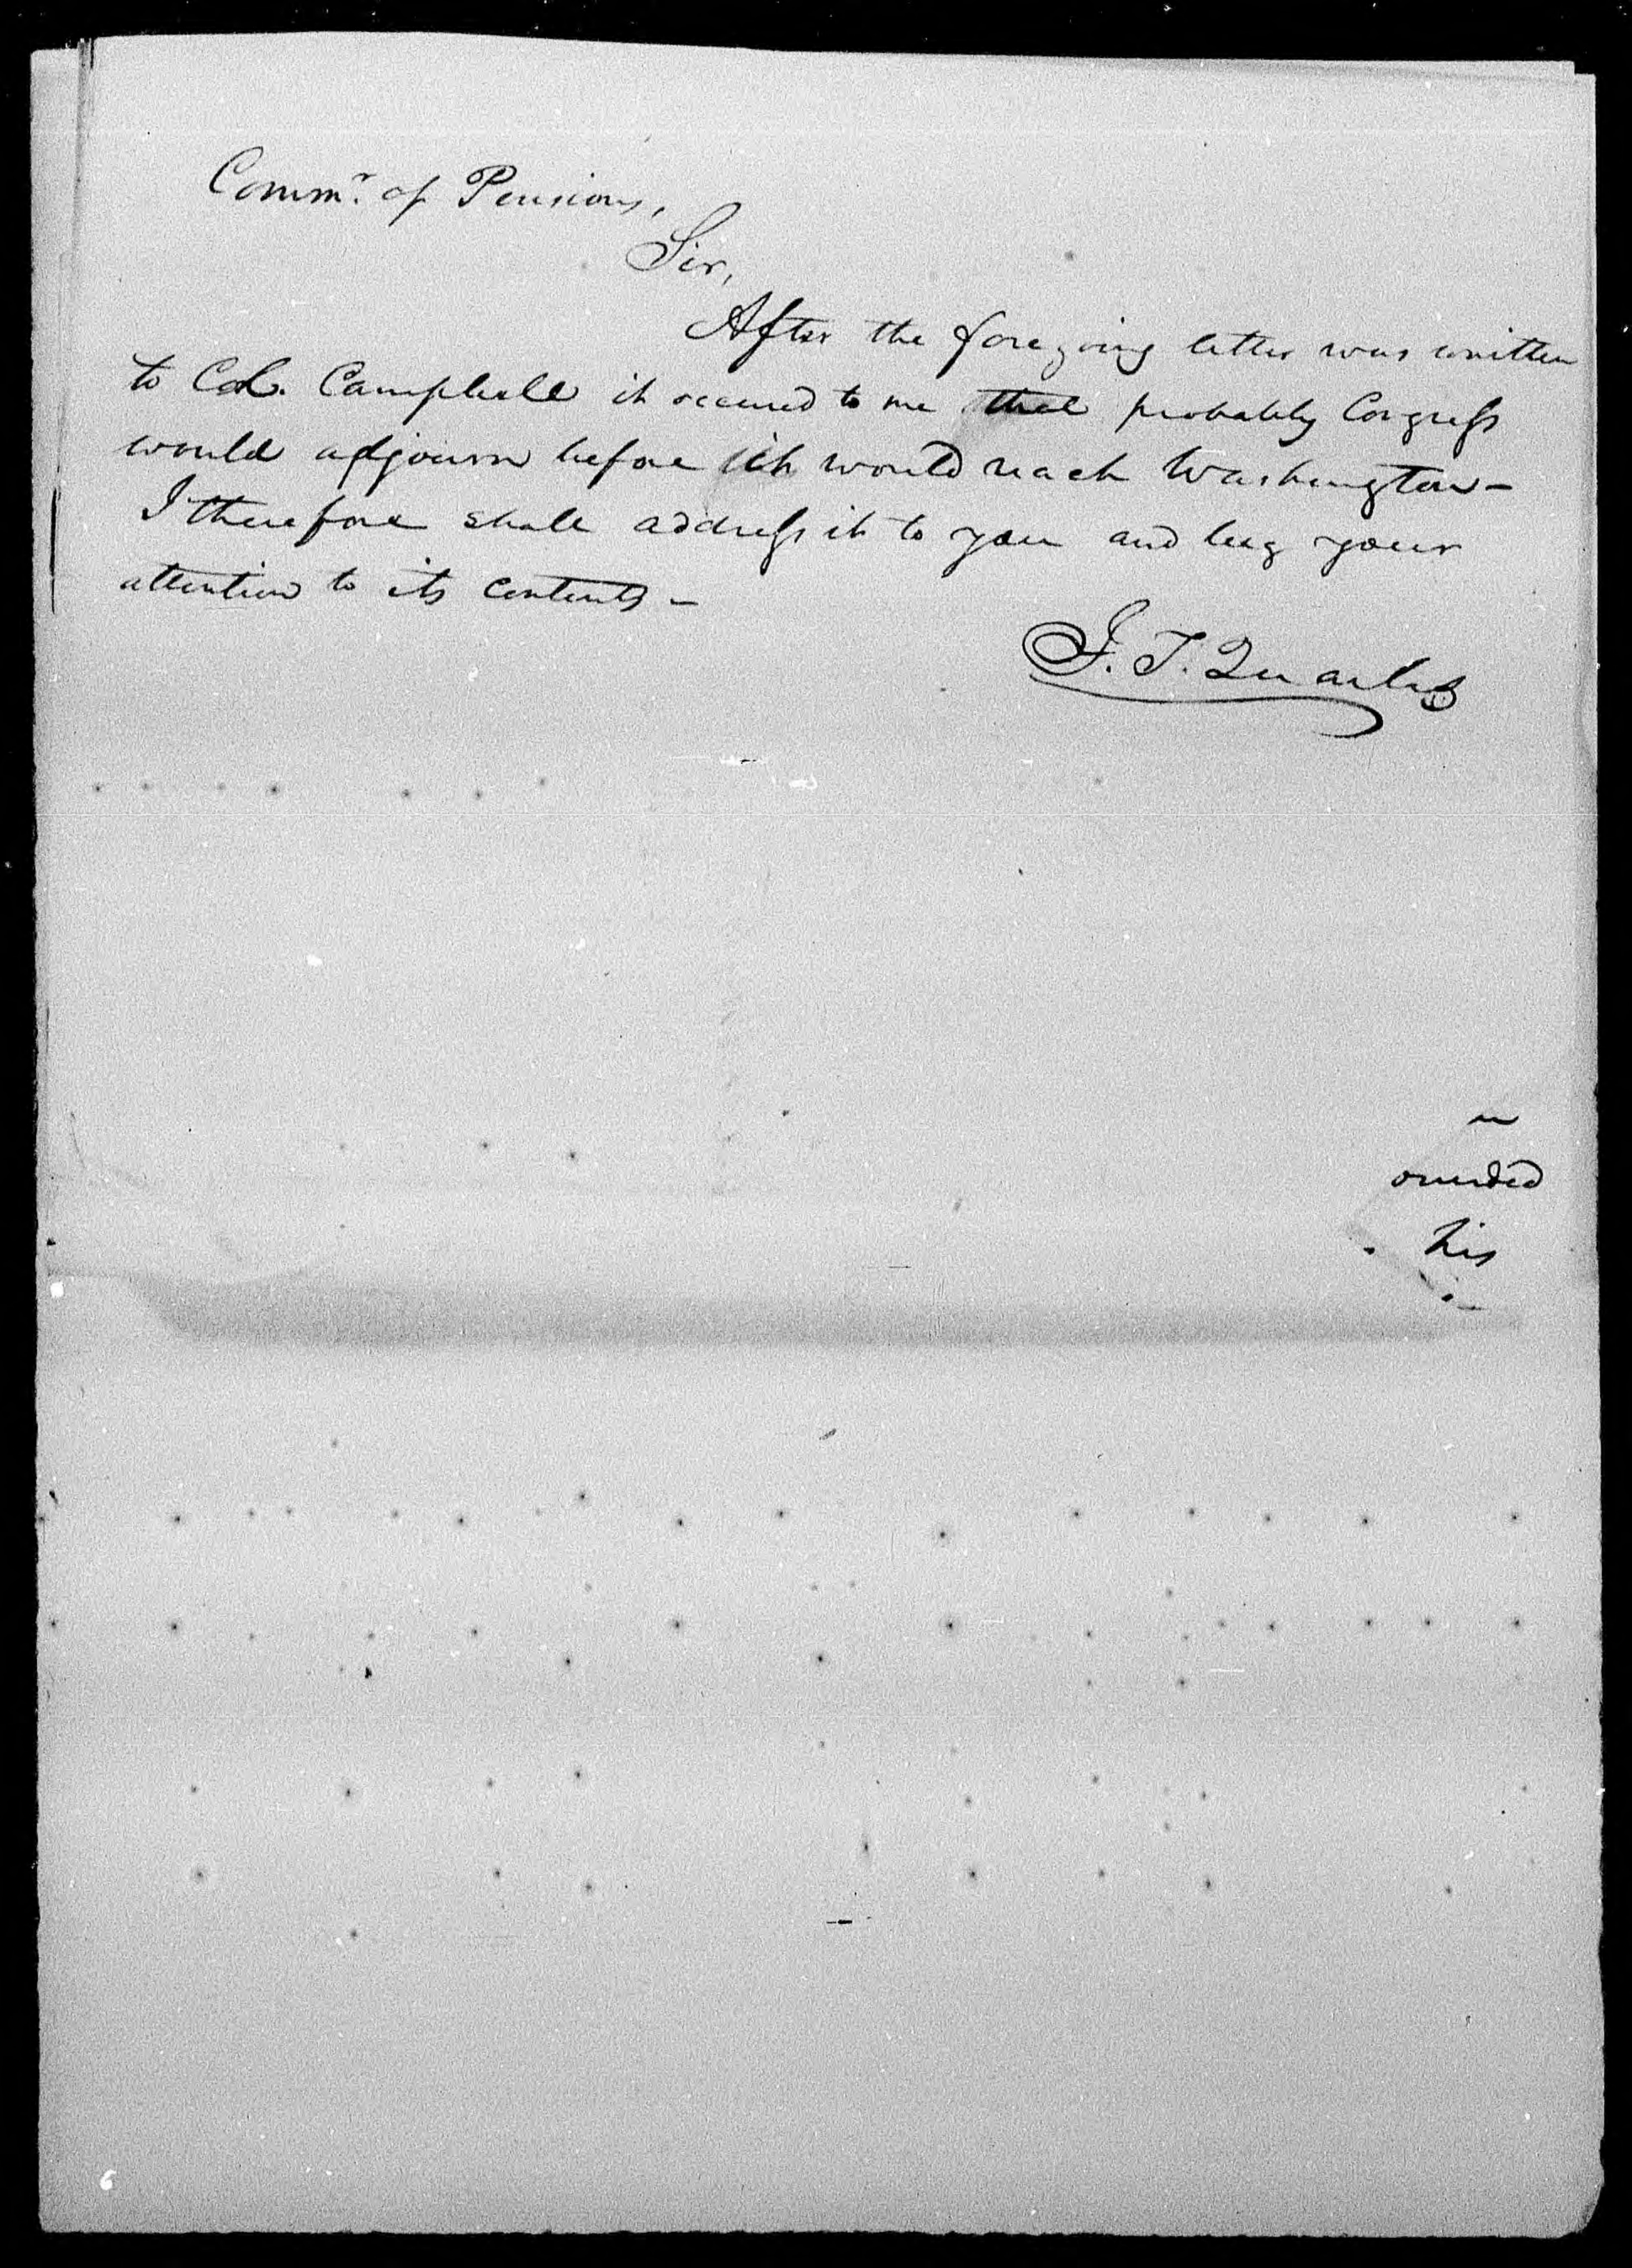Commr [Commissioner] of Pensions,

Sir,

After the foregoing letter was written to Col. [Colonel] Campbell it occurred to me that probably Congress would adjourn before it would reach Washington-
I therefore shall address it to you and beg your attention to its contents-

J. T. Quarles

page: 19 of 19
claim: rejected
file: R. 5442, for Samuel Hutchison, Virginia